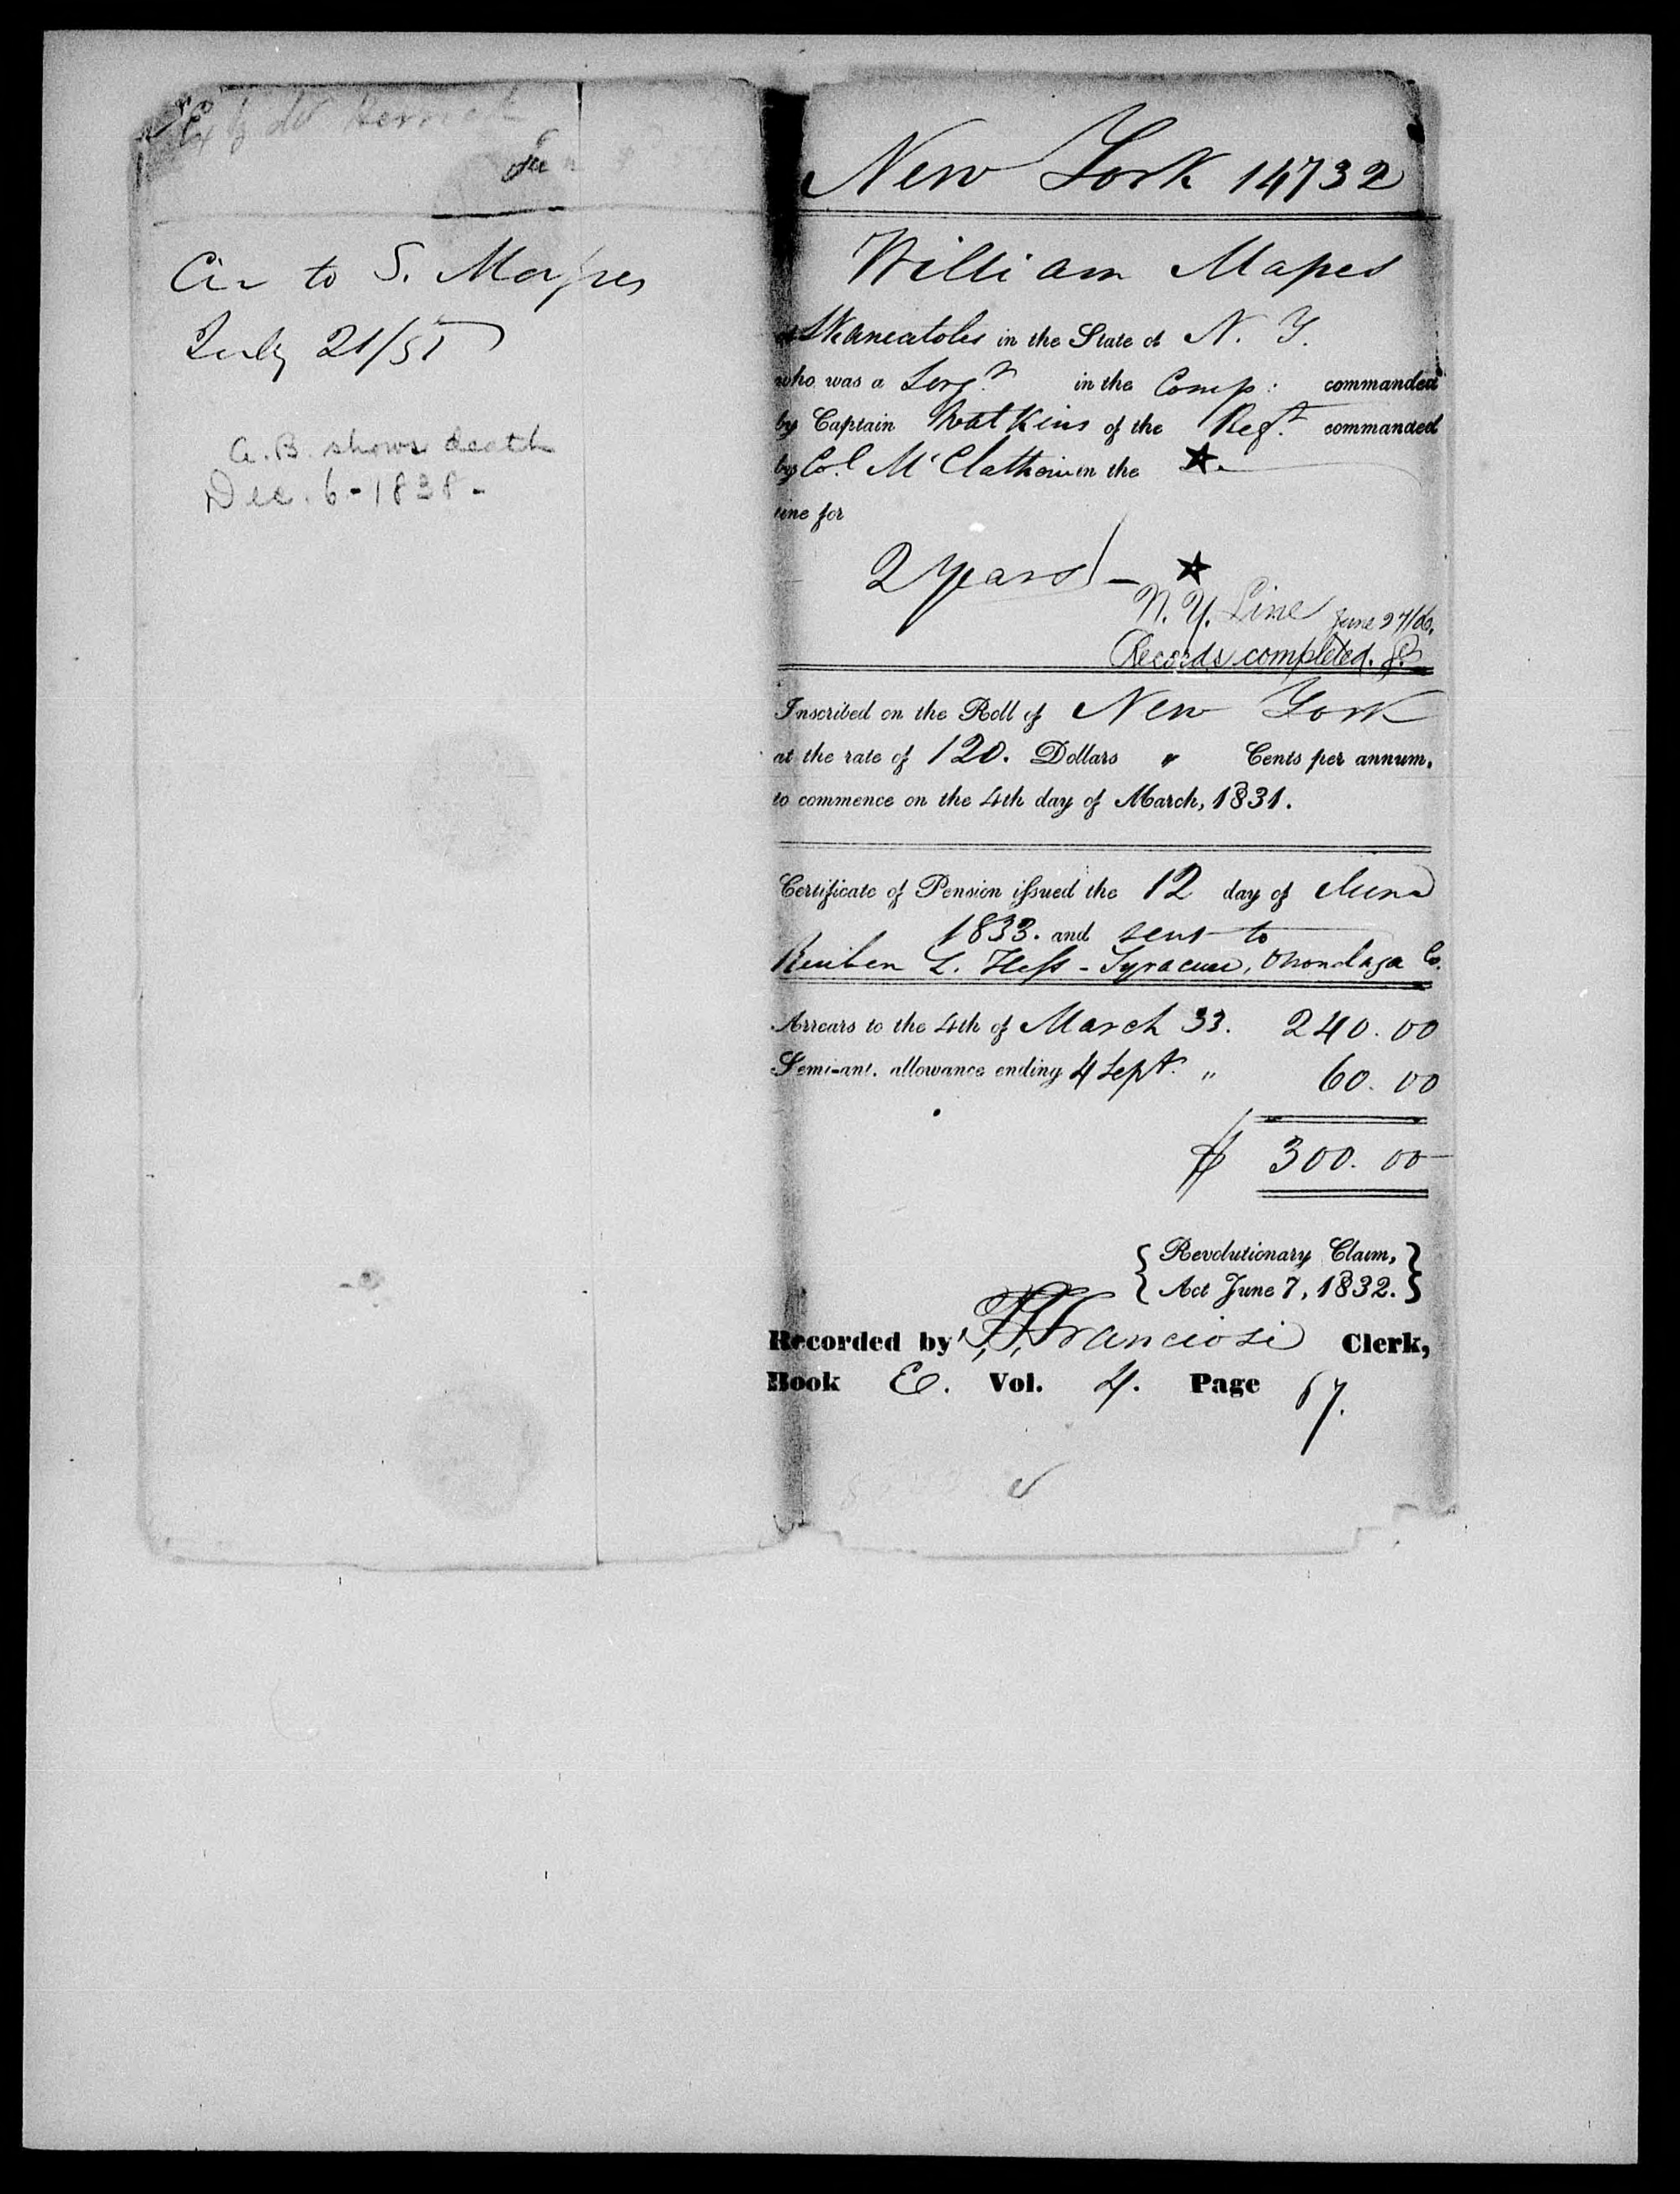Ex by L Herrick
[illegible]

 Cir to S. Mayes 
July 2 /51 

A.B. shows death
Dec. 6 - 1838- 

New York 14732 
—————————-
William Mapes  
of Skaneateles in the State of N.Y. 
who was a Sergt in the Comp. commanded 
by Captain Watkins of the Regt command 
by Col McClaughorie in the ___*__
line for 
2 years - N.Y. Line June 27/*6
Records completed JB
 ——————————————————
Inscribed on the Roll of New York 
at the rate of 120 Dollars   *. Cents per annum, to commence on the 4th day of March, 1831. 
—————————-
Certificate of Pension issued the 12 day of June 1833 and sent to 
Reuben L. Hess Syracuse, Onondaga Co.
———————————-
Arrears to the 4th of March 33. 240.00 
Semi-anl. allowance ending 4 Sept " 60.00                                     $300.00      

{Revolutionary Claim,}
{Act June 7, 1832.}

Recorded by ST Francisosi Clerk, 
Book E . Vol. 4 Page 67.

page: 2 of 30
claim: survivor's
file: S. 13,873, for William Mapes, New York